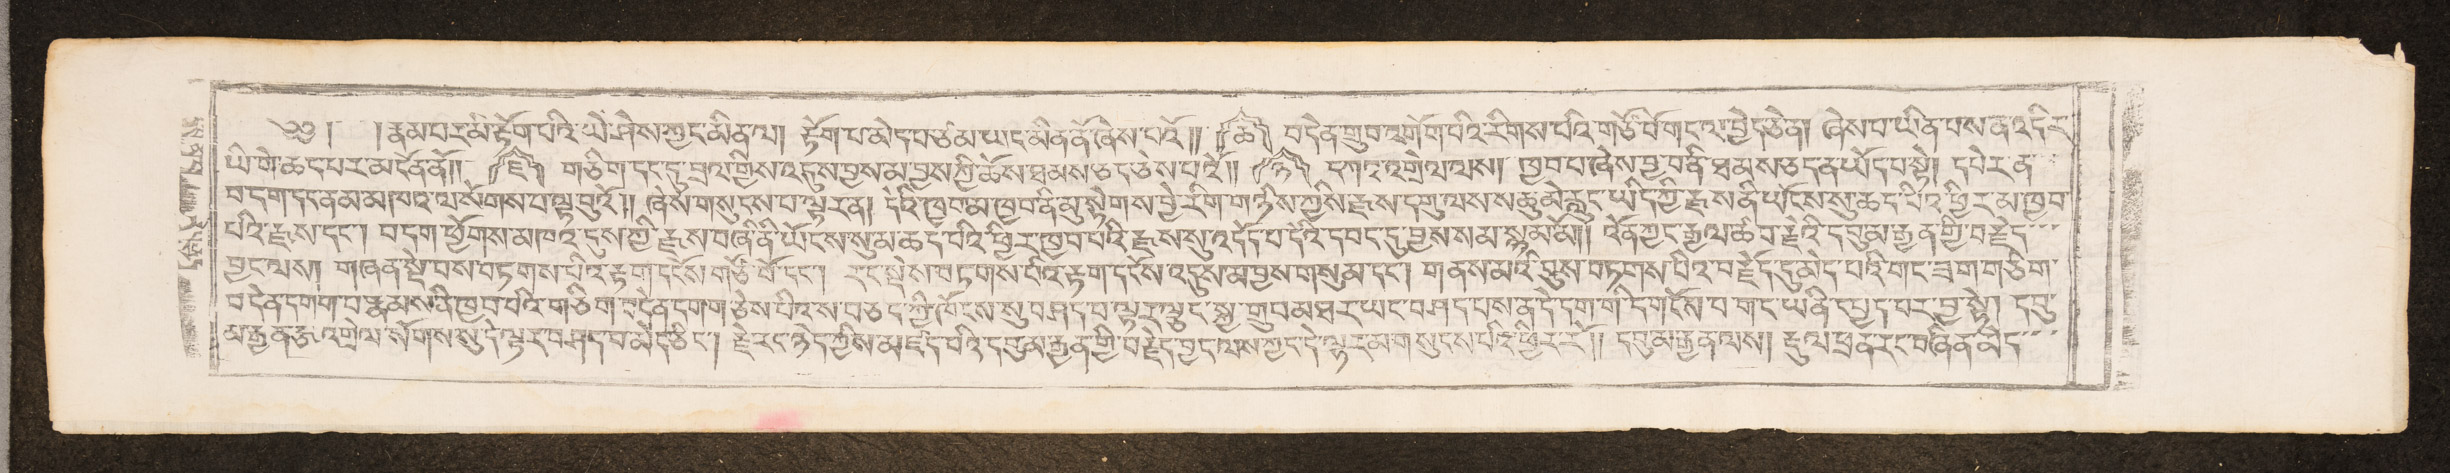༄༅། །རྣམ་པར་མི་རྟོག་པའི་ཡེ་ཤེས་ཀྱང་མིན་ལ། །རྟོག་པ་མེད་པ་ཙམ་ཡང་མིན་ནོ་ཞེས་པའོ། །༼༽ཆ༼༽ བདེན་གྲུབ་འགོག་པའི་རིགས་པའི་གཙོ་བོ་གང་ལ་བྱེད་ཅེ་ན། ཞེས་པ་ཡིན་པས་ན་འདིར་
ཡེ་གེ་ཆད་པར་མངོན་ནོ། །༼༽ཇ༼༽ གཅིག་དང་དུ་བྲལ་གྱིས་འདུས་བྱས་མ་བྱས་ཀྱི་ཆོས་ཐམས་ཅད་ཅེས་པའོ། །༼༽ཉ༼༽ དཀའ་འགྲེལ་ལས། ཁྱབ་པ་ཞེས་བྱ་བ་ནི་ཐམས་ཅད་ན་ཡོད་པ་སྟེ། དཔེར་ན་
བདག་དང་ནམ་མཁའ་ལ་སོགས་པ་ལྟ་བུའོ། །ཞེས་གསུངས་པ་ལྟར་ན། དེའི་ཁྱབ་མ་ཁྱབ་ནི་མུ་སྟེགས་བྱེ་རིག་གཉིས་ཀྱིས་རྫས་དགུ་ལས་ས་ཆུ་མེ་རླུང་ཡིད་ཀྱི་རྫས་ནི་ཡོངས་སུ་ཆད་པའི་ཕྱིར་མ་ཁྱབ་
པའི་རྫས་དང་། བདག་ཕྱོགས་མཁའ་དུས་ཀྱི་རྫས་བཞི་ནི་ཡོངས་སུ་མ་ཆད་པའི་ཕྱིར་ཁྱབ་པའི་རྫས་སུ་འདོད་པ་དེའི་དབང་དུ་བྱས་སམ་སྙམ་མོ། །འོན་ཀྱང་རྒྱལ་ཚབ་རྗེའི་དབུ་མ་རྒྱན་གྱི་བརྗེད་
བྱང་ལས། གཞན་སྡེ་བས་བཏགས་པའི་རྟག་དངོས་གཙོ་བོ་དང་། རང་སྡེས་བཏགས་པའི་རྟག་དངོས་འདུས་མ་བྱས་གསུམ་དང་། གནས་མའི་བུས་བཏགས་པའི་བརྗོད་དུ་མེད་པའི་གང་ཟག་གཅིག་
བདེན་དགག་པ་རྣམས་ནི་ཁྱབ་པའི་གཅིག་བདེན་དགག་ཅེས་པའི་ས་བཅས་ཀྱི་ཁོང་སུ་བཤད་པ་ལྟར་ལྕང་སྐྱ་གྲུབ་མཐར་ཡང་བཤད་པས་ན་དེ་དག་གི་དགོངས་པ་གང་ཡིན་དཔྱད་པར་བྱ་སྟེ། དབུ་
མ་རྒྱན་རྩ་འགྲེལ་སོགས་སུ་དེ་ལྟར་བཤད་པ་མེད་ཅིང་། རྗེ་རང་ཉིད་ཀྱིས་མཛད་པའི་དབུ་མ་རྒྱན་གྱི་བརྗེད་བྱང་ལས་ཀྱང་དེ་ལྷར་མ་གསུངས་པའི་ཕྱིར་རོ། །དབུ་མ་རྒྱན་ལས། རྡུལ་ཕྲན་རང་བཞིན་མེད་